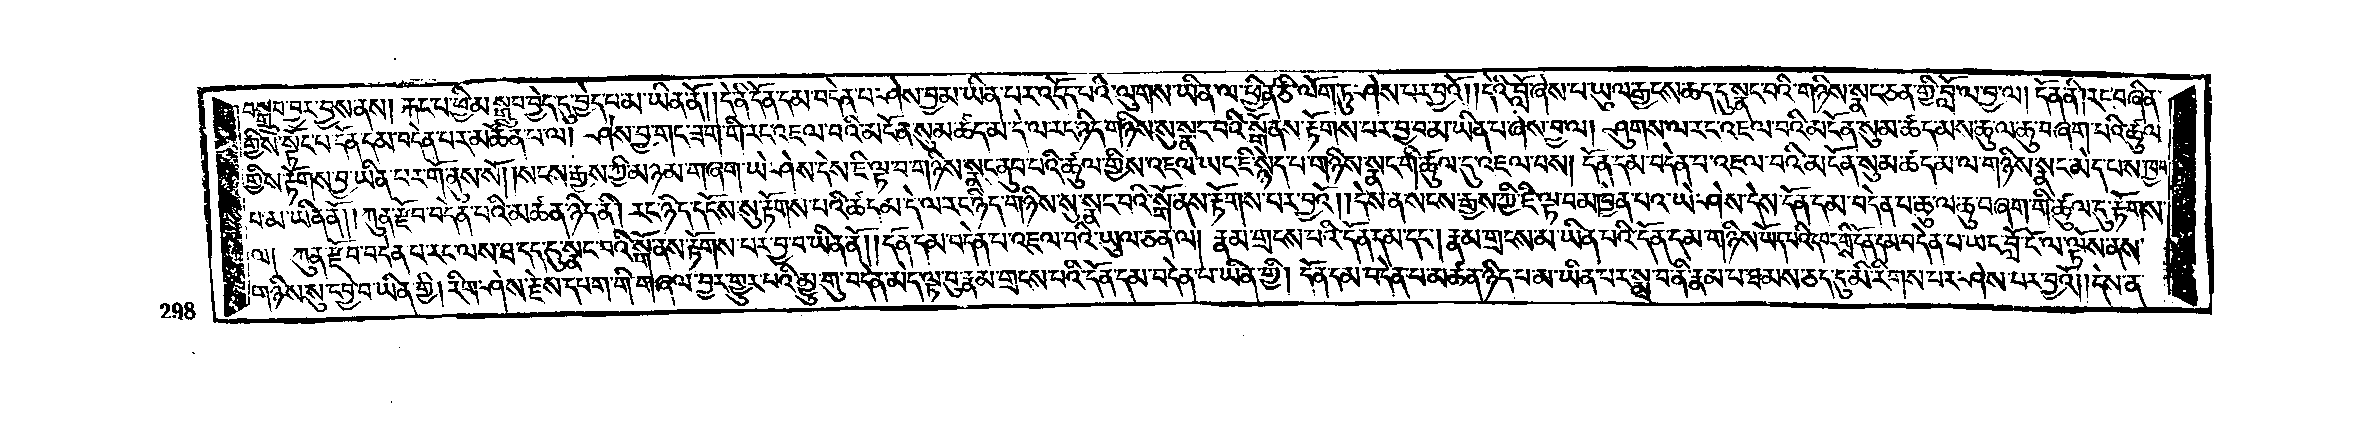བསྒྲུབ་བྱར་བྱས་ནས། རྐང་པ་ཕྱི་མ་སྒྲུབ་བྱེད་དུ་བྱེད་པ་མ་ཡིན་ནོ། །དེ་ནི་དོན་དམ་བདེན་པ་ཤེས་བྱ་མ་ཡིན་པར་འདོད་པའི་ལུགས་ཡིན་ལ་ཕྱིན་ཅི་ལོག་ཏུ་ཤེས་པར་བྱའོ། །དེའི་བློ་ཞེས་པ་ཡུལ་རྒྱངས་ཆད་དུ་སྣང་བའི་གཉིས་སྣང་ཅན་གྱི་བློ་ལ་བྱ་ལ། དོན་ནི་རང་བཞིན་
གྱིས་སྟོང་པ་དོན་དམ་བདེན་པར་མཚོན་པ་ལ། ཤེས་བྱ་གང་ཟག་གི་རང་འཇལ་བའི་མངོན་སུམ་ཚད་མ་དེ་ལ་རང་ཉིད་གཉིས་སུ་སྣང་བའི་སྒོ་ནས་རྟོགས་པར་བྱ་བ་མ་ཡིན་པ་ཞེས་བྱ་ལ། ཤུགས་ལ་རང་འཇལ་བའི་མངོན་སུམ་ཚད་མས་ཆུ་ལ་ཆུ་བཞག་པའི་ཚུལ་
གྱིས་རྟོགས་བྱ་ཡིན་པར་གོ་ནུས་སོ། །སངས་རྒྱས་ཀྱི་མཉམ་གཞག་ཡེ་ཤེས་དེས་ཇི་ལྟ་བ་གཉིས་སྣང་ནུབ་པའི་ཚུལ་གྱིས་འཇལ་ཡང་ཇི་སྙེད་པ་གཉིས་སྣང་གི་ཚུལ་དུ་འཇལ་བས། དོན་དམ་བདེན་པ་འཇལ་བའི་མངོན་སུམ་ཚད་མ་ལ་གཉིས་སྣང་མེད་པས་ཁྱབ་
པ་མ་ཡིན་ནོ། །ཀུན་རྫོབ་བདེན་པའི་མཚན་ཉིད་ནི། རང་ཉིད་དངོས་སུ་རྟོགས་པའི་ཚད་མ་དེ་ལ་རང་ཉིད་གཉིས་སུ་སྣང་བའི་སྒོ་ནས་རྟོགས་པར་བྱའོ། །དེས་ན་སངས་རྒྱས་ཀྱི་ཇི་ལྟ་བ་མཁྱེན་པའི་ཡེ་ཤེས་དེས་དོན་དམ་བདེན་པ་ཆུ་ལ་ཆུ་བཞག་གི་ཚུལ་དུ་རྟོགས་
ལ། ཀུན་རྫོབ་བདེན་པ་རང་ལས་ཐ་དད་དུ་སྣང་བའི་སྒོ་ནས་རྟོགས་པར་བྱ་བ་ཡིན་ནོ། །དོན་དམ་བདེན་པ་འཇལ་བའི་ཡུལ་ཅན་ལ། རྣམ་གྲངས་པའི་དོན་དམ་དང་། རྣམ་གྲངས་མ་ཡིན་པའི་དོན་དམ་གཉིས་ཡོད་པའི་དབང་གིས་དོན་དམ་བདེན་པ་ཡང་བློ་ངོ་ལ་ལྟོས་ནས་
གཉིས་སུ་དབྱེ་བ་ཡིན་གྱི། རིག་ཤེས་རྗེས་དཔག་གི་གཞལ་བྱར་གྱུར་པའི་མྱུ་གུ་བདེན་མེད་ལྟ་བུ་རྣམ་གྲངས་པའི་དོན་དམ་བདེན་པ་ཡིན་གྱི། དོན་དམ་བདེན་པ་མཚན་ཉིད་པ་མ་ཡིན་པར་སྨྲ་བ་ནི་རྣམ་པ་ཐམས་ཅད་དུ་མི་རིགས་པར་ཤེས་པར་བྱའོ། །དེས་ན་